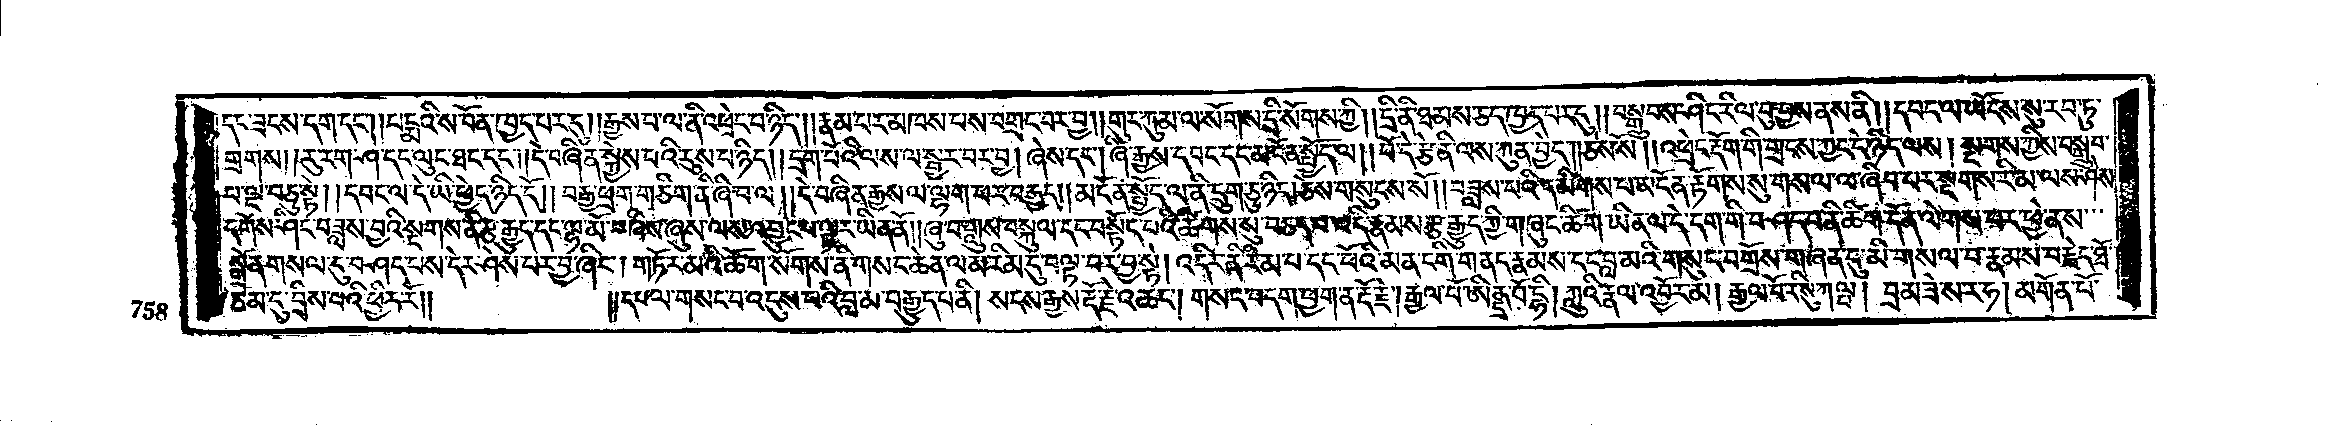དང་ཟངས་དག་དང་། །པདམའི་ས་བོན་ཁྱད་པར་དུ། །རྒྱས་པ་ལ་ནི་འཕྲེང་བ་ཉིད། །རྣམ་པར་མཁས་པས་བགྲང་བར་བྱ། །གུར་ཀུམ་ལ་སོགས་དྲི་སོགས་ཀྱི། །དྲི་ནི་ཐམས་ཅད་ཁྱད་པར་དུ། །བསྒྲུབས་ཤིང་རིལ་བུ་བྱས་ནས་ནི། །དབང་ལ་ཡོངས་སུ་རབ་ཏུ་
གྲགས། །རུ་རག་ཤ་དང་ལུང་ཐང་དང་། །དེ་བཞིན་སྐྱེས་པའི་རུས་པ་ཉིད། །དྲག་པོའི་ལས་ལ་སྦྱར་བར་བྱ། ཞེས་དང་། ཞི་རྒྱས་དབང་དང་མངོན་སྤྱོད་ལ། །བོ་དེ་རྩེ་ནི་ལས་ཀུན་བྱེད། །ཅེས་སོ། །འཕྲེང་རྡོག་གི་གྲངས་ཀྱང་དེ་ཉིད་ལས། སྔགས་ཀྱིས་བསྒྲུབ་
པ་ལྔ་བཅུ་སྟེ། །དབང་ལ་དེ་ཡི་ཕྱེད་ཉིད་དོ། །བརྒྱ་ཕྲག་གཅིག་ནི་ཞི་བ་ལ། །དེ་བཞིན་རྒྱས་ལ་ལྷག་པར་བརྒྱད། །མངོན་སྤྱོད་ལ་ནི་དྲུག་ཅུ་ཉིད། ཅེས་གསུངས་སོ། །བཟླས་པའི་དམིགས་པ་མངོན་རྟོགས་སུ་གསལ་ལ་ཞིབ་པར་སྔགས་རིམ་ལས་ཤེས་
དགོས་ཤིང་བཟླས་བྱའི་སྔགས་ནི་རྩ་རྒྱུད་དང་ལྷ་མོ་བཞིས་ཞུས་ལས་འབྱུང་བ་ལྟར་ཡིན་ནོ། །ཞུ་བ་གླུས་བསྐུལ་དང་བསྟོད་པའི་ཚིགས་སུ་བཅད་པ་འདི་རྣམས་རྩ་རྒྱུད་ཀྱི་གཞུང་ཚིག་ཡིན་ལ་དེ་དག་གི་བཤད་པ་ནི་ཚིག་དོན་ལེགས་པར་ཕྱེ་ནས་
སྒྲོན་གསལ་དུ་བཤད་པས་དེར་ཤེས་པར་བྱ་ཞིང་། གཏོར་མའི་ཆོ་ག་སོགས་ནི་གསང་ཆེན་ལམ་རིམ་དུ་བལྟ་བར་བྱ་སྟེ། འདིར་ནི་རིམ་པ་དང་པོའི་མན་ངག་གི་གནད་རྣམས་དང་བླ་མའི་གསུང་བགྲོས་གཞན་དུ་མི་གསལ་བ་རྣམས་བརྗེད་ཐོ་
ཙམ་དུ་བྲིས་པའི་ཕྱིར་རོ།། །།དཔལ་གསང་བ་འདུས་པའི་བླ་མ་བརྒྱུད་པ་ནི། སངས་རྒྱས་རྡོ་རྗེ་འཆང་། གསང་བདག་ཕྱག་ན་རྡོ་རྗེ། རྒྱལ་པོ་ཨིནྡྲ་བོ་དྷི། ཀླུའི་རྣལ་འབྱོར་མ། རྒྱལ་པོ་རི་སུ་ཀལྤ། བྲམ་ཟེ་ས་ར་ཧ། མགོན་པོ་